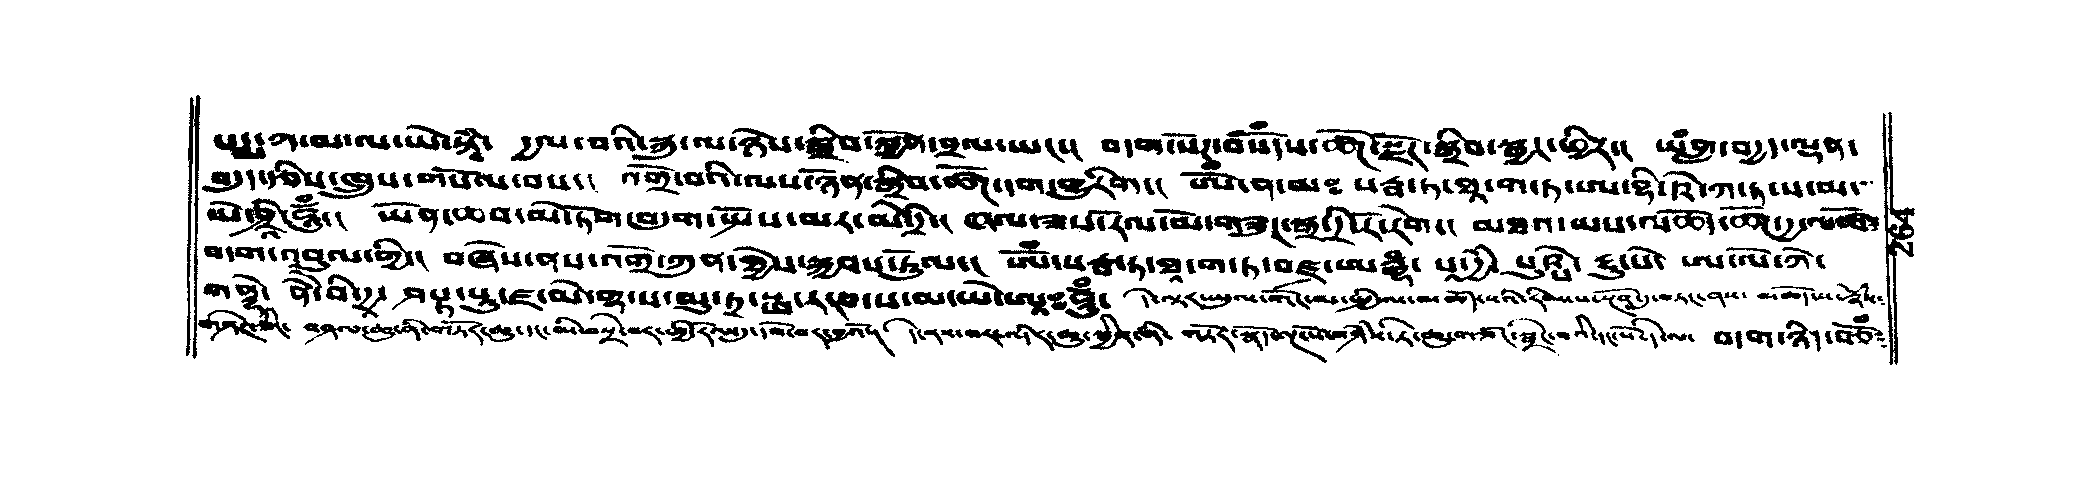པདྨ་ཀ་མ་ལ་ཡེ་སྟྭཾ། རྒྱལ་བའི་སྐུ་ལ་ཉེས་སྒྲིབ་སྐྱོན་བྲལ་ཡང་། །བདག་སོགས་བསོད་ནམས་ཚོགས་རྫོགས་སྒྲིབ་སྦྱང་ཕྱིར། །ཡན་ལག་བརྒྱད་ལྡན་
བདུད་རྩིས་ཁྲུས་གསོལ་བས། །འགྲོ་བའི་ལས་ཉོན་སྒྲིབ་ཚོགས་དག་གྱུར་་ཅིག་ཨོྃ་ན་མཿསརྦ་ཏ་ཐཱ་ག་ཏ་ཨ་བྷི་རེ་ཀ་ཏ་ས་མ་
ཡེ་ཤྲཱི་ཧཱུྃ། ཡོན་ཆབ་མེ་ཏོག་བདུག་སྤོས་མར་མེ་དྲི། །ཞལ་ཟས་རོལ་མོ་གཟུགས་སྒྲ་དྲི་རོ་རེག་མཐའ་ཡས་མཆོད་ཚོགས་རྒྱ་མཚོ་
བདག་འབུལ་གྱི། །བཞེས་ནས་འགྲོ་ཀུན་ཐུགས་རྗེས་སྐྱབས་སུ་གསོལ། །ཨོྃ་སརྦ་ཏ་ཐཱ་ག་ཏ་བཛྲ་ཨརྒྷཾ། པཱ་དྱཾ། པུཥྤེ། དྷུ་པེ། ཨ་ལོ་ཀེ། 
གནྡྷེ། ནཻ་བི་དྱ། ཤཔྟ་པུ་ཛ་མེ་གྷ་ས་མུ་ཏྲ་སྥ་ར་ཎ་ས་མ་ཡེ་ཨཱཿཧཱུྃ། དེ་ལྟར་ཡུལ་གོང་མ་སྤྱི་ལ་མཆོད་པའི་རིམ་པ་སྔོན་དུ་བཏང་ནས། མཆོད་པ་རྣམས་
གཤེགས་ཤིང་། བཤལ་ཆུ་ནི་གཏོར་ཆུ་དང་མི་བསྲེ་བར་ཕྱི་རོལ་དུ་དབོ་བར་བྱའོ། དེ་ནས་བར་འདིར་ཆུ་སྦྱིན་ནམ། གཏོར་སྣོད་ལྔ་པོ་བཤམས་ཏེ་ཆུ་གཙང་སྦྲེང་བའི་དང་པོ་དེ་ལ།བདག་ཉིད་